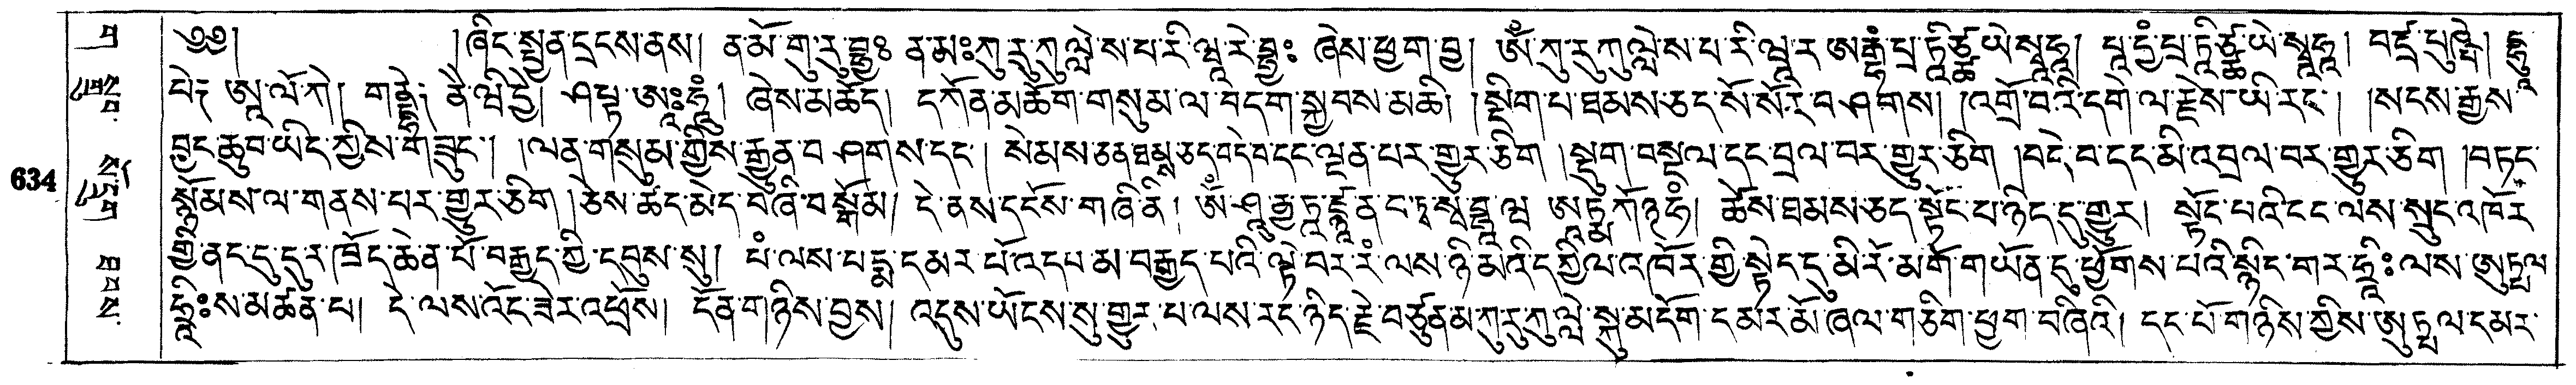ཞིང་སྤྱན་དྲངས་ནས། ན་མོ་གུ་རུ་བྷྱཿ ན་མཿ ཀུ་རུ་ཀུ་ལླེ་ས་པ་རི་ཝཱ་རེ་བྷྱཿ ཞེས་ཕྱག་བྱ། ཨོཾ་ཀུ་རུ་ཀུ་ལླེ་ས་པ་རི་ཝཱ་ར་ཨརྒྷཾ་པྲ་ཏཱི་ཙྪ་ཡེ་སྭཱ་ཧཱ། པཱ་དྱཾ་པྲ་ཏཱི་ཙྪ་ཡེ་སྭཱ་ཧཱ། བཛྲ་པུཥྤེ། དྷཱུ་
པེ༑ ཨཱ་ལོ་ཀེ། གནྡྷེ༑ ནཻ་ཝི་དྱེ། ཤཔྟ་ཨཱཿ ཧཱུཾ། ཞེས་མཆོད། དཀོན་མཆོག་གསུམ་ལ་བདག་སྐྱབས་མཆི། །སྡིག་པ་ཐམས་ཅད་སོ་སོར་བཤགས། །འགྲོ་བའི་དགེ་ལ་རྗེས་ཡི་རང་། །སངས་རྒྱས་
བྱང་ཆུབ་ཡིད་ཀྱིས་གཟུང་། །ལན་གསུམ་གྱིས་རྒྱུན་བཤགས་དང་། སེམས་ཅན་ཐམས་ཅད་བདེ་བ་དང་ལྡན་པར་གྱུར་ཅིག །སྡུག་བསྔལ་དང་བྲལ་བར་གྱུར་ཅིག །བདེ་བ་དང་མི་འབྲལ་བར་གྱུར་ཅིག །བཏང་
སྙོམས་ལ་གནས་པར་གྱུར་ཅིག །ཅེས་ཚད་མེད་བཞི་བསྒོམ། དེ་ནས་དངོས་གཞི་ནི། ཨོཾ་ཤཱུ་ནྱ་ཏཱ་ཛྙཱ་ན་བ་ཏྭ་སྭ་བྷཱ་ཝ་ཨཱ་ཏྨ་ཀོ་ཉ་ཧཾ། ཆོས་ཐམས་ཅད་སྟོང་པ་ཉིད་དུ་གྱུར། སྟོང་པའི་ངང་ལས་སྲུང་འཁོར་
གྱི་ནང་དུ་དུར་ཁྲོད་ཆེན་པོ་བརྒྱད་ཀྱི་དབུས་སུ། པཾ་ལས་པདམ་དམར་པོ་འདབ་མ་བརྒྱད་པའི་ལྟེ་བར་རཾ་ལས་ཉི་མའི་དཀྱིལ་འཁོར་གྱི་སྟེང་དུ་མི་རོ་མགོ་གཡོན་དུ་ཕྱོགས་པའི་སྙིང་གར་ཧྲཱིཿ ལས་ཨུཏྤལ་
ཧྲཱིཿ ས་མཚན་པ། དེ་ལས་འོད་ཟེར་འཕྲོས། དོན་གཉིས་བྱས། འདུས་ཡོངས་སུ་གྱུར་པ་ལས་རང་ཉིད་རྗེ་བཙུན་མ་ཀུ་རུ་ཀུ་ལླེ་སྐུ་མདོག་དམར་མོ་ཞལ་གཅིག་ཕྱག་བཞིའི། དང་པོ་གཉིས་ཀྱིས་ཨུཏྤལ་དམར་